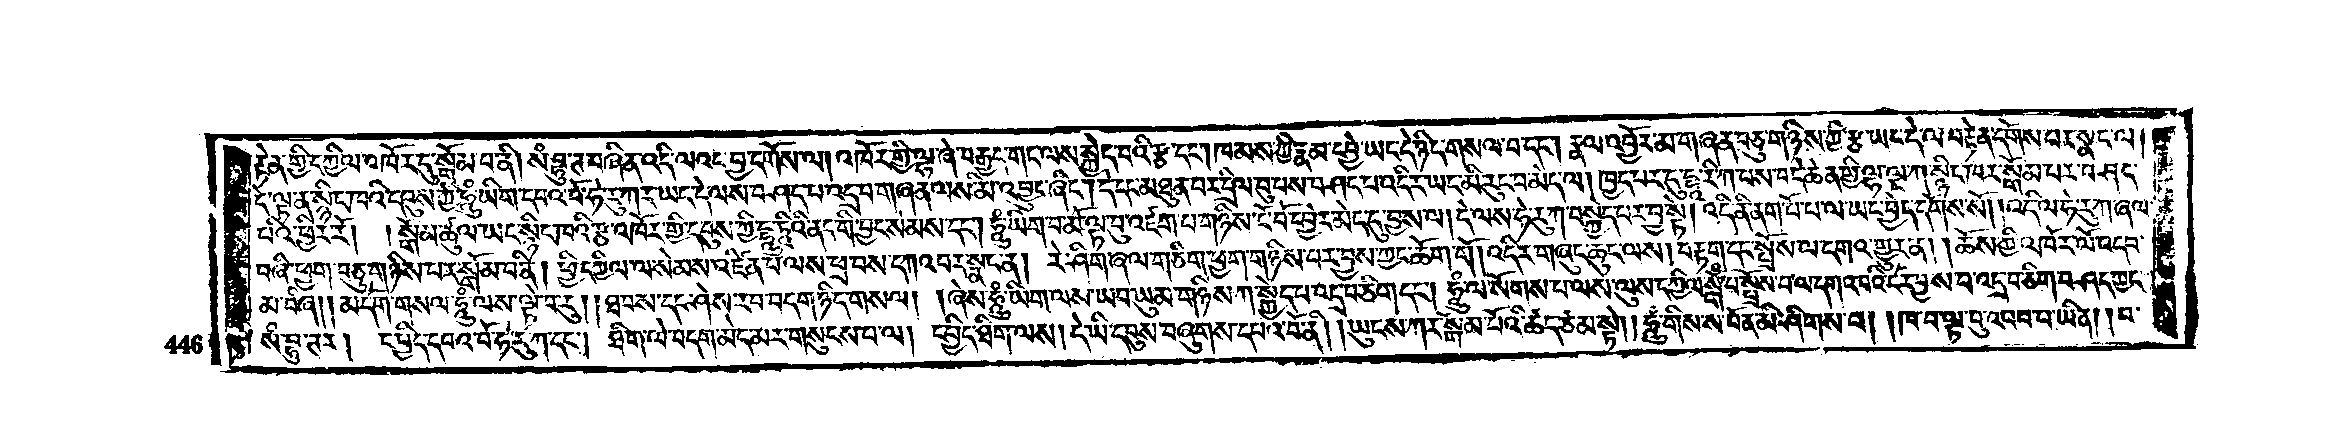རྟེན་གྱི་དཀྱིལ་འཁོར་དུ་སྒོམ་པ་ནི། སཾ་བྷུ་ཊ་བཞིན་འདི་ལའང་བྱ་དགོས་ལ། འཁོར་གྱི་ལྷ་ཞེ་བརྒྱད་གང་ལས་སྐྱེད་པའི་རྩ་དང་། ཁམས་ཀྱི་རྣམ་དབྱེ་ཡང་དེ་ཉིད་གསལ་བ་དང་། རྣལ་འབྱོར་མ་གཞན་བཅུ་གཉིས་ཀྱི་རྩ་ཡང་དེ་ལ་བརྟེན་དགོས་པར་སྣང་ལ།
དེ་ལྟ་ན་སྙིང་ཁའི་དབུས་ཀྱི་ཧཱུཾ་ཡིག་དཔའ་བོ་ཧེ་རུ་ཀར་ཡང་དེ་ལས་བཤད་པ་འདྲ་བ་གཞན་ལས་མི་འབྱུང་ཞིང་། དེ་དང་མཐུན་པར་དྲིལ་བུ་པས་བཤད་པ་འདིར་ཡང་མི་རུང་བ་མེད་ལ། ཁྱད་པར་དུ་དྷཱ་རི་ཀ་པས་བདེ་ཆེན་གྱི་ལྷ་ལྔ་ཀ་སྙིང་ཁར་སྒོམ་པར་བཤད་
པའི་ཕྱིར་རོ། །སྒོམ་ཚུལ་ཡང་སྙིང་ཁའི་རྩ་འཁོར་གྱི་དབུས་ཀྱི་དྷཱུ་ཏཱིའི་ནང་གི་བྱང་སེམས་དང་། ཧཱུཾ་ཡིག་བ་མོ་ལྟ་བུ་འཛག་པ་གཉིས་ངོ་བོ་དབྱེར་མེད་དུ་བྱས་ལ། དེ་ལས་ཧེ་རུ་ཀ་བསྐྱེད་པར་བྱ་སྟེ། འདི་ནི་ནག་པོ་པ་ལ་ཡང་བྱེད་དགོས་སོ། །འདི་ལ་ཧེ་རུ་ཀ་ཞལ་
བཞི་ཕྱག་བཅུ་གཉིས་པར་སྒོམ་པ་ནི། ཕྱི་དཀྱིལ་ལ་སེམས་འཛིན་པ་ལས་ཕྲ་བས་དཀའ་བར་སྣང་ན། རེ་ཤིག་ཞལ་གཅིག་ཕྱག་གཉིས་པར་བྱས་ཀྱང་ཆོག་གོ །འདིར་གཞུང་ཆུང་ལས། བརྟག་དང་སྤྲོས་ལ་དགའ་གྱུར་ན། །ཆོས་ཀྱི་འཁོར་ལོ་འདབ་
མ་བཞི། །མདོག་གསལ་ཧཱུཾ་ལས་ལྟེ་བ་རུ། །ཐབས་དང་ཤེས་རབ་བདག་ཉིད་གསལ། །ཞེས་ཧཱུཾ་ཡིག་ལས་ཡབ་ཡུམ་གཉིས་ཀ་སྐྱེད་པ་འདྲ་བ་ཅིག་དང་། ཧཱུཾ་ལ་སོགས་པ་ལས་ལུས་དཀྱིལ་སྒོཾ་པ་སྤྲོས་པ་ལ་དགའ་བའི་ངོར་བྱས་པ་འདྲ་བ་ཅིག་བཤད་ཀྱང་།
སཾ་བྷུ་ཊར། དཔྱིད་དཔའ་བོ་ཧེ་རུ་ཀ་དང་། ཐིག་ལེ་བདག་མེད་མར་གསུངས་པ་ལ། དཔྱིད་ཐིག་ལས། དེ་ཡི་དབུས་བཞུགས་དཔའ་བོ་ནི། །ཡུངས་ཀར་སྦོམ་པོའི་ཚད་ཙམ་སྟེ། །ཧཱུཾ་གིས་ས་བོན་མི་ཤིགས་པ། །ཁ་བ་ལྟ་བུ་འབབ་པ་ཡིན། །བ་